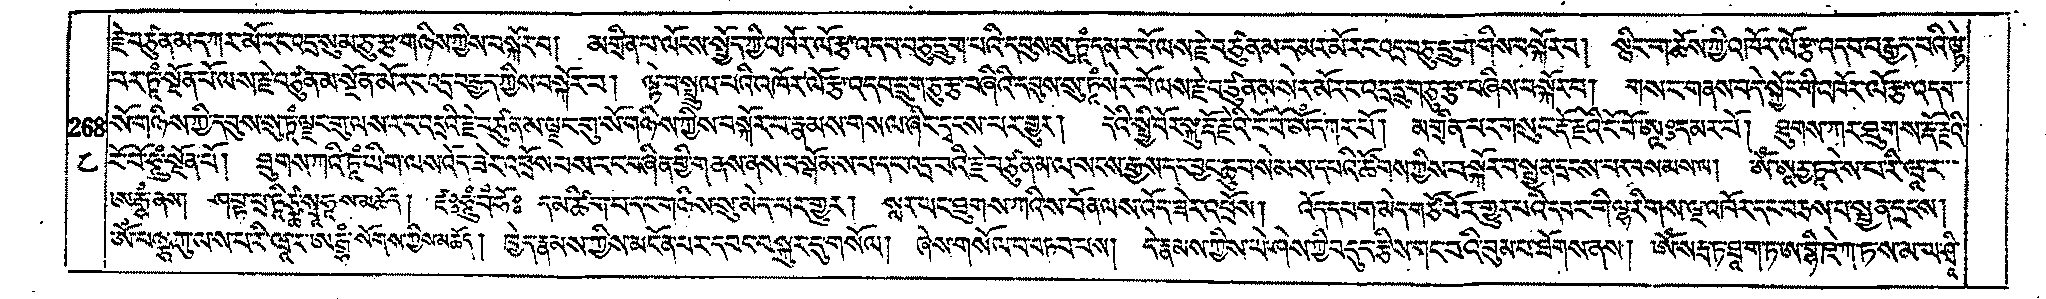རྗེ་བཙུན་མ་དཀར་མོ་རང་འདྲ་སུམ་ཅུ་རྩ་གཉིས་ཀྱིས་བསྐོར་བ། མགྲིན་པ་ལོངས་སྤྱོད་ཀྱི་འཁོར་ལོ་རྩ་འདབ་བཅུ་དྲུག་པའི་དབུས་སུ་ཏཱཾ་དམར་པོ་ལས་རྗེ་བཙུན་མ་དམར་མོ་རང་འདྲ་བཅུ་དྲུག་གིས་བསྐོར་བ། སྙིང་ག་ཆོས་ཀྱི་འཁོར་ལོ་རྩ་འདབ་བརྒྱད་པའི་ལྟེ་
བར་ཏཱཾ་སྔོན་པོ་ལས་རྗེ་བཙུན་མ་སྔོན་མོ་རང་འདྲ་བརྒྱད་ཀྱིས་བསྐོར་བ། ལྟེ་བ་སྤྲུལ་པའི་འཁོར་ལོ་རྩ་འདབ་དྲུག་ཅུ་རྩ་བཞིའི་དབུས་སུ་ཏཱཾ་སེར་པོ་ལས་རྗེ་བཙུན་མ་སེར་མོ་རང་འདྲ་དྲུག་ཅུ་རྩ་བཞིས་བསྐོར་བ། གསང་གནས་བདེ་སྐྱོང་གི་འཁོར་ལོ་རྩ་འདབ་་་
སོ་གཉིས་ཀྱི་དབུས་སུ་ཏཱཾ་ལྗང་གུ་ལས་རང་འདྲའི་རྗེ་བཙུན་མ་ལྗང་གུ་སོ་གཉིས་ཀྱིས་བསྐོར་བ་རྣམས་གསལ་ཞིང་དྭངས་པར་གྱུར། དེའི་སྤྱི་བོར་སྐུ་རྡོ་རྗེའི་ངོ་བོ་ཨོཾ་དཀར་པོ། མགྲིན་པར་གསུང་རྡོ་རྗེའི་ངོ་བོ་ཨཱཿདམར་པོ། ཐུགས་ཀར་ཐུགས་རྡོ་རྗེའི་
ངོ་བོ་ཧཱུཾ་སྔོན་པོ། ཐུགས་ཀའི་ཏཱཾ་ཡིག་ལས་འོད་ཟེར་འཕྲོས་པས་རང་བཞིན་གྱི་གནས་ནས་བསྒོམས་པ་དང་འདྲ་བའི་རྗེ་བཙུན་མ་ལ་སངས་རྒྱས་དང་བྱང་ཆུབ་སེམས་དཔའི་ཚོགས་ཀྱིས་བསྐོར་བ་སྤྱན་དྲངས་པར་བསམས་ལ། ཨོཾ་ཨཱ་རྱ་ཏཱ་རེ་ས་པ་རི་ཝཱ་ར་་་
ཨརྒྷཾ་ནས། ཤཔྟ་པྲ་ཏཱི་ཙྪ་སྭཱཧཱས་མཆོད། ཛཿཧཱུཾ་བཾ་ཧོཿ དམ་ཚིག་པ་དང་གཉིས་སུ་མེད་པར་གྱུར། སླར་ཡང་ཐུགས་ཀའི་ས་བོན་ལས་འོད་ཟེར་འཕྲོས། འོད་དཔག་མེད་གཙོ་བོར་གྱུར་པའི་དབང་གི་ལྷ་རིགས་ལྔ་འཁོར་དང་བཅས་པ་སྤྱན་དྲངས།
ཨོཾ་པཉྩ་ཀུ་ལ་ས་པ་རི་ཝཱ་ར་ཨརྒྷཾ་སོགས་ཀྱིས་མཆོད།  ཁྱེད་རྣམས་ཀྱིས་མངོན་པར་དབང་བསྐུར་དུ་གསོལ། ཞེས་གསོལ་བ་བཏབ་པས། དེ་རྣམས་ཀྱིས་ཡེ་ཤེས་ཀྱི་བདུད་རྩིས་གང་བའི་བུམ་པ་ཐོགས་ནས། ཨོཾ་སརྦ་ཏ་ཐཱ་ག་ཏ་ཨ་བྷི་ཥེ་ཀ་ཏ་ས་མ་ཡ་ཤྲཱི་